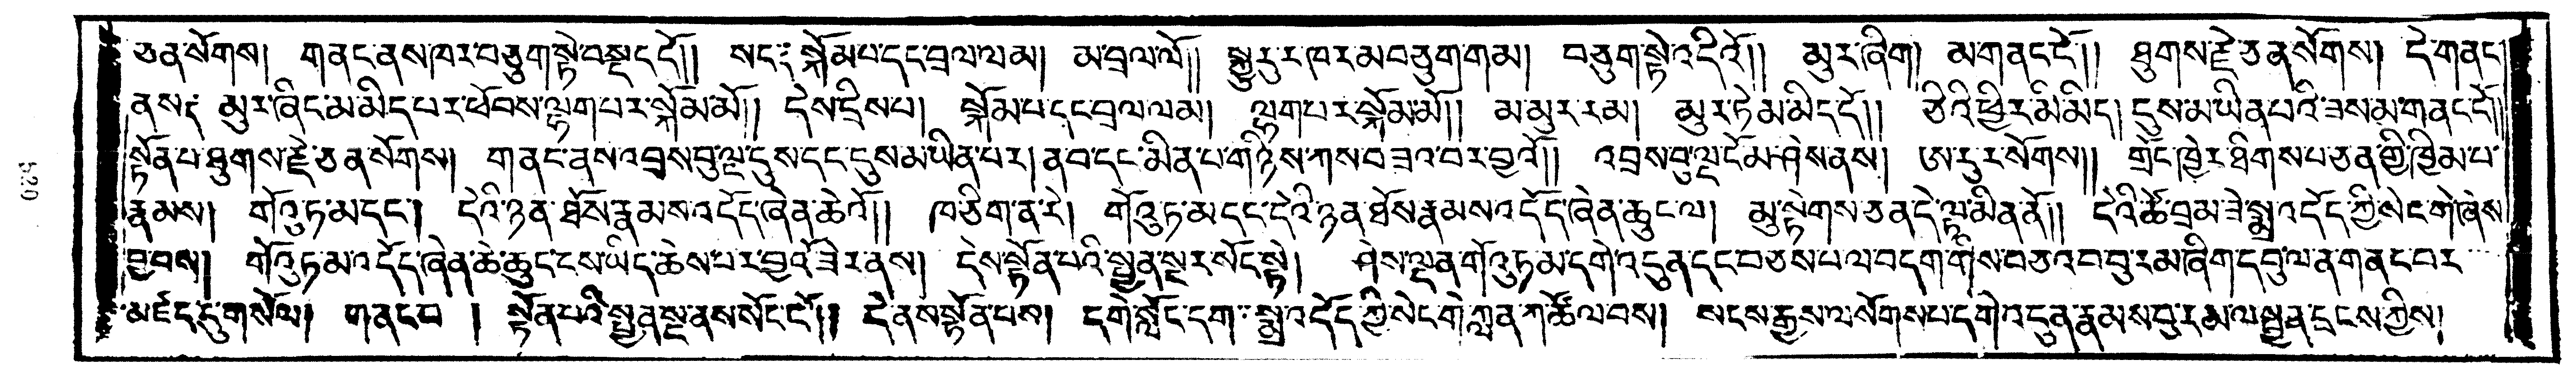ཅན་སོགས། གནང་ནས་ཁར་བཅུག་སྟེ་བསྡང་ངོ།། སང༑ སྐོམ་པ་དང་བྲལ་ལམ། མ་བྲལ་ལོ།། སྐྱུ་རུ་ར་ཁར་མ་བཅུག་གམ། བཅུག་སྟེ་འདིའོ།། མུར་ཞིག། མ་གནང་ངོ།། ཐུགས་རྗེ་ཅན་སོགས། དེ་གནང་
ནས༑ མུར་ཞིང་མ་མིད་པར་ཕོབས་ལྷག་པར་སྐོམ་མོ།། དེས་དྲིས་པ། སྐོམ་པ་དང་བྲལ་ལམ། ལྷག་པར་སྐོམ་མོ།། མ་མུར་རམ། མུར་ཏེ་མ་མིད་དོ།། ཅིའི་ཕྱིར་མི་མིད། དུས་མ་ཡིན་པའི་ཟས་མ་གནང་ངོ།།
སྟོན་པ་ཐུགས་རྗེ་ཅན་སོགས། གནང་ནས་འབྲས་བུ་ལྔ་དུས་དང་དུས་མ་ཡིན་པར། ན་བ་དང་མིན་པ་གཉིས་ཀས་བཟའ་བར་བྱའོ།། འབྲས་བུ་ལྔ་ངོམ་ཤེས་ནས། ཨ་རུ་ར་སོགས།། གྲོང་ཁྱེར་ཐིགས་པ་ཅན་གྱི་ཁྱིམ་པ་
རྣམས། གོའུ་ཏ་མ་དང་། དེའི་ཉན་ཐོས་རྣམས་འདོད་ཞེན་ཆེའོ།། ཁ་ཅིག་ན་རེ། གོའུ་ཏ་མ་དང་དེའི་ཉན་ཐོས་རྣམས་འདོད་ཞེན་ཆུང་ལ། མུ་སྟེགས་ཅན་དེ་ལྟ་མིན་ནོ།། དེའི་ཚེ་བྲམ་ཟེ་སྨྲ་འདོད་ཀྱི་སེང་གེ་ཞེས་
བྱ་བས། གོའུ་ཏ་མ་འདོད་ཞེན་ཆེ་ཆུང་ངས་ཡིད་ཆེས་པར་བྱའོ་ཟེར་ནས། དེས་སྟོན་པའི་སྤྱན་སྔར་སོང་སྟེ། ཤེས་ལྡན་གོའུ་ཏམ་དགེ་འདུན་དང་བཅས་པ་ལ་བདག་གིས་བཅའ་བ་བུ་རམ་ཞིག་དང་དབུ་ལ་ན་གནང་བར་
མཛད་དུ་གསོལ། གནང་བ། སྟོན་པའི་སྤྱན་སྔ་ནས་སོང་ངོ།། དེ་ནས་སྟོན་པས། དགེ་སློང་དག་སྨྲ་འདོད་ཀྱི་སེང་གེ་ཀླན་ཀ་ཚོལ་བས། སངས་རྒྱས་ལ་སོགས་པ་དགེ་འདུན་རྣམས་བུ་རམ་ལ་སྤྱན་དྲངས་ཀྱིས།